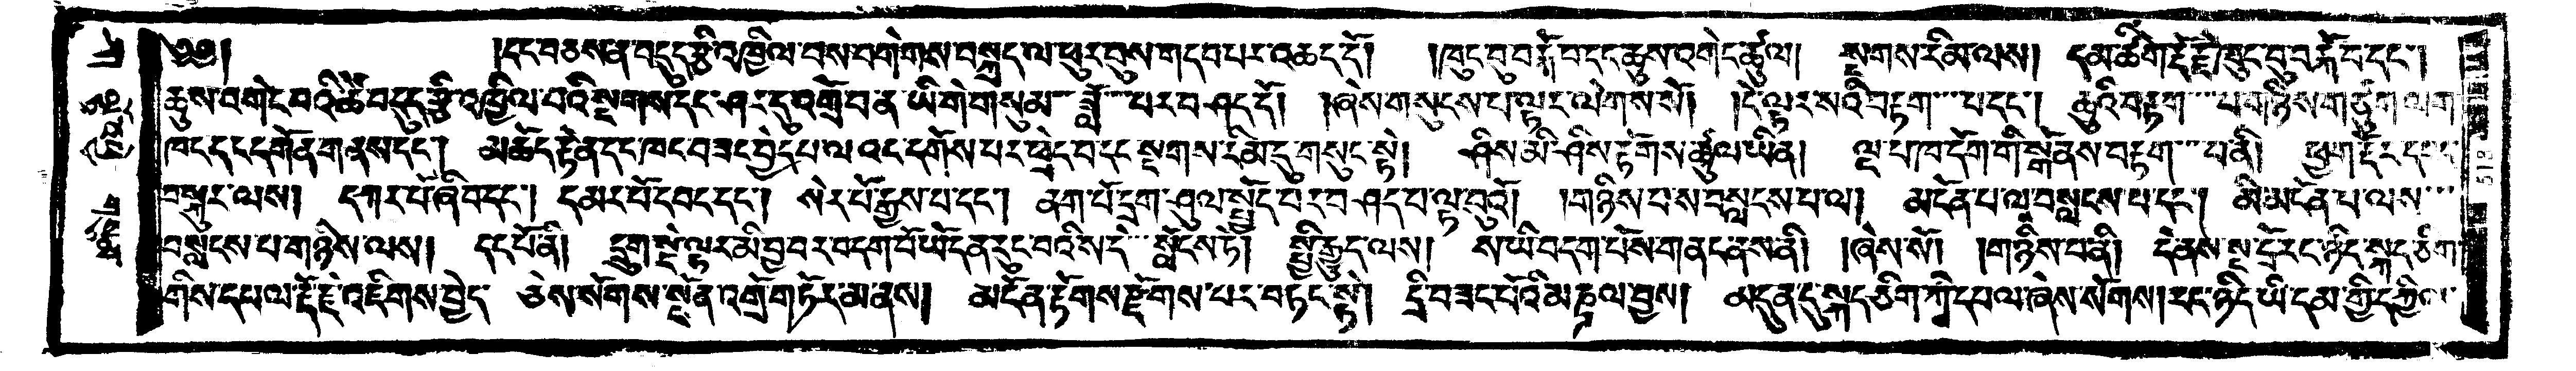༄༅། །དང་བཅས་ན་བདུད་རྩི་འཁྱིལ་བས་བགེགས་བསྐྲད་ལ་ཕུར་བུས་གདབ་པར་འཆད་དོ། །ཁུང་བུ་བརྐོ་བ་དང་ཆུས་འགེང་ཚུལ། སྔགས་རིམ་ལས། དམ་ཚིག་རྡོ་རྗེ་ཁུང་བུ་བརྐོ་བ་དང་།
ཆུས་འགེང་བའི་ཚེ་བདུད་རྩི་འཁྱིལ་བའི་སྔགས་དང་ཤར་དུ་འགྲོ་བ་ན་ཡི་གེ་གསུམ་ཟློ་པར་བཤད་དོ། །ཞེས་གསུངས་པ་ལྟར་ལེགས་པ་དང་། ཆུའི་བརྟག་པ་གཉིས་གཙུག་ལག་
ཁང་དང་དགོན་གནས་དང་། མཆོད་རྟེན་དང་ཁང་བཟང་བྱེད་པ་ལའང་དགོས་པར་ཕྲེང་བ་དང་སྔགས་རིམ་དུ་གསུང་སྟེ། ཤིས་མི་ཤིས་རྟོགས་ཚུལ་ཡིན། ལྔ་པ་ཁ་དོག་གི་སྒོ་ནས་བརྟག་པ་ནི། ཕྱག་རྡོར་དཔར་
བསྐུར་ལས། དཀར་པོ་ཞི་བ་དང་། དམར་པོ་དབང་དང་། སེར་པོ་རྒྱས་པ་དང་། ནག་པོ་དྲག་ཤུལ་སྤྱོད་བར་བཤད་པ་ལྟ་བུའོ། །གཉིས་པས་བསླངས་པ་ལ། མངོན་པ་ལ་བསླངས་པ་དང་། མི་མངོན་པ་ལས་
བསླངས་པ་གཉིས་ལས། དང་པོ་ནི། དྲུག་སྡེ་ལྟར་མི་བྱ་བར་བདག་པོ་ཡོད་ན་རུང་བའི་ས་དེ་སླེངས་ཏེ། སྤྱི་རྒྱུད་ལས། ས་ཡི་བདག་པོས་གནང་ནས་ནི། །ཞེས་སོ། །གཉིས་པ་ནི། དེ་ནས་སྔ་དྲོ་རང་ཉིད་སྐད་ཅིག་
གིས་དཔལ་རྡོ་རྗེ་འཇིགས་བྱེད། ཅེས་སོགས་སྤོན་འགྲོ་གཏོར་མ་ནས། མངོན་རྟོགས་རྫོགས་པར་བཏང་སྟེ། དྲི་བཟང་པོའི་མཎྜལ་བྱས། མདུན་དུ་སྐད་ཅིག་ཀཱི་དཔལ་ཞེས་སོགས། རང་ཉིད་ཡི་དམ་གྱི་དཀྱིལ་